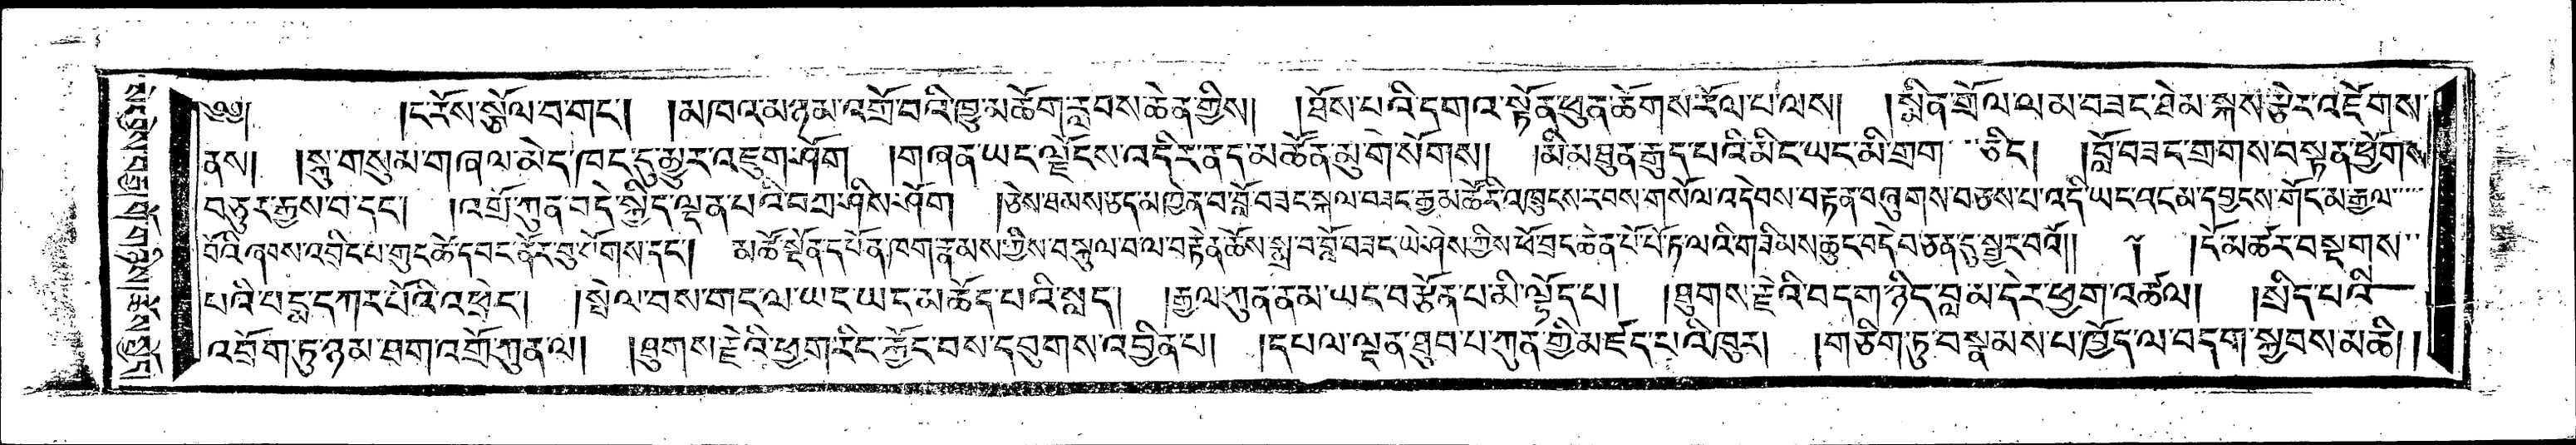༄༅། །ང་རོས་སྩོལ་བ་གང་། །མཁའ་མཉམ་འགྲོ་བའི་ཁྱུ་མཆོག་རླབས་ཆེན་གྱིས། །ཐོས་པའི་དགའ་སྟོན་ཕུན་ཚོགས་རོལ་པ་ལས། །སྨིན་གྲོལ་ལམ་བཟང་ཐེམ་སྐས་རྩེར་འཛེགས་
ནས། །སྐུ་གསུམ་གཞལ་མེད་ཁང་དུ་མྱུར་འཇུག་ཤོག །གཞན་ཡང་ལྗོངས་འདིར་ནད་མཚོན་མུ་གེ་སོགས། །མི་མཐུན་རྒུད་པའི་མིང་ཡང་མི་གྲག་ཅིང་། །བློ་བཟང་གྲགས་བསྟན་ཕྱོགས་
བཅུར་རྒྱས་བ་དང་། །འགྲོ་ཀུན་བདེ་སྐྱིད་ལྡན་པའི་བཀྲ་ཤིས་ཤོག །ཅེས་ཐམས་ཅད་མཁྱེན་བ་བློ་བཟང་སྐལ་བཟང་རྒྱ་མཚོའི་འཁྲུངས་རབས་གསོལ་འདེབས་བརྟན་བཞུགས་བཅས་པ་འདི་ཡང་འཇམ་དབྱངས་གོང་མ་རྒྱལ་
བོའི་ཞབས་འབྲིང་པ་གུང་ཚེ་དབང་ནོར་བུ་སོགས་དང་། མཚོ་སྔོན་དཔོན་ཁག་རྣམས་ཀྱིས་བསྐུལ་བ་ལ་བརྟེན་ཆོས་སྨྲ་བ་བློ་བཟང་ཡེ་ཤེས་ཀྱིས་ཕོ་བྲང་ཆེན་པོ་པོ་ཏ་ལའི་གཟིམས་ཆུང་བདེ་བ་ཅན་དུ་སྦྱར་བའོ། ། ༈ །ངོ་མཚར་བསྔགས་
པའི་པདམ་དཀར་པོའི་འཕྲེང་། །སྤེལ་བས་གང་ལ་ཡང་ཡང་མཆོད་པའི་སླད། །རྒྱལ་ཀུན་ནམ་ཡང་བརྩོན་པ་མི་ལྟོད་པ། །ཐུགས་རྗེའི་བདག་ཉིད་བླ་མ་དེར་ཕྱག་འཚལ། །སྲིད་པའི་
འབྲོག་ཏུ་ཉམ་ཐག་འགྲོ་ཀུན་ལ། །ཐུགས་རྗེའི་ཕྱག་རིང་རྐྱོང་བས་དབུགས་འབྱིན་པ། །དཔལ་ལྡན་ཐུབ་པ་ཀུན་གྱི་མཛད་པའི་ཁུར། །གཅིག་ཏུ་བསྣམས་པ་ཁྱོད་ལ་བདག་སྐྱབས་མཆི། །